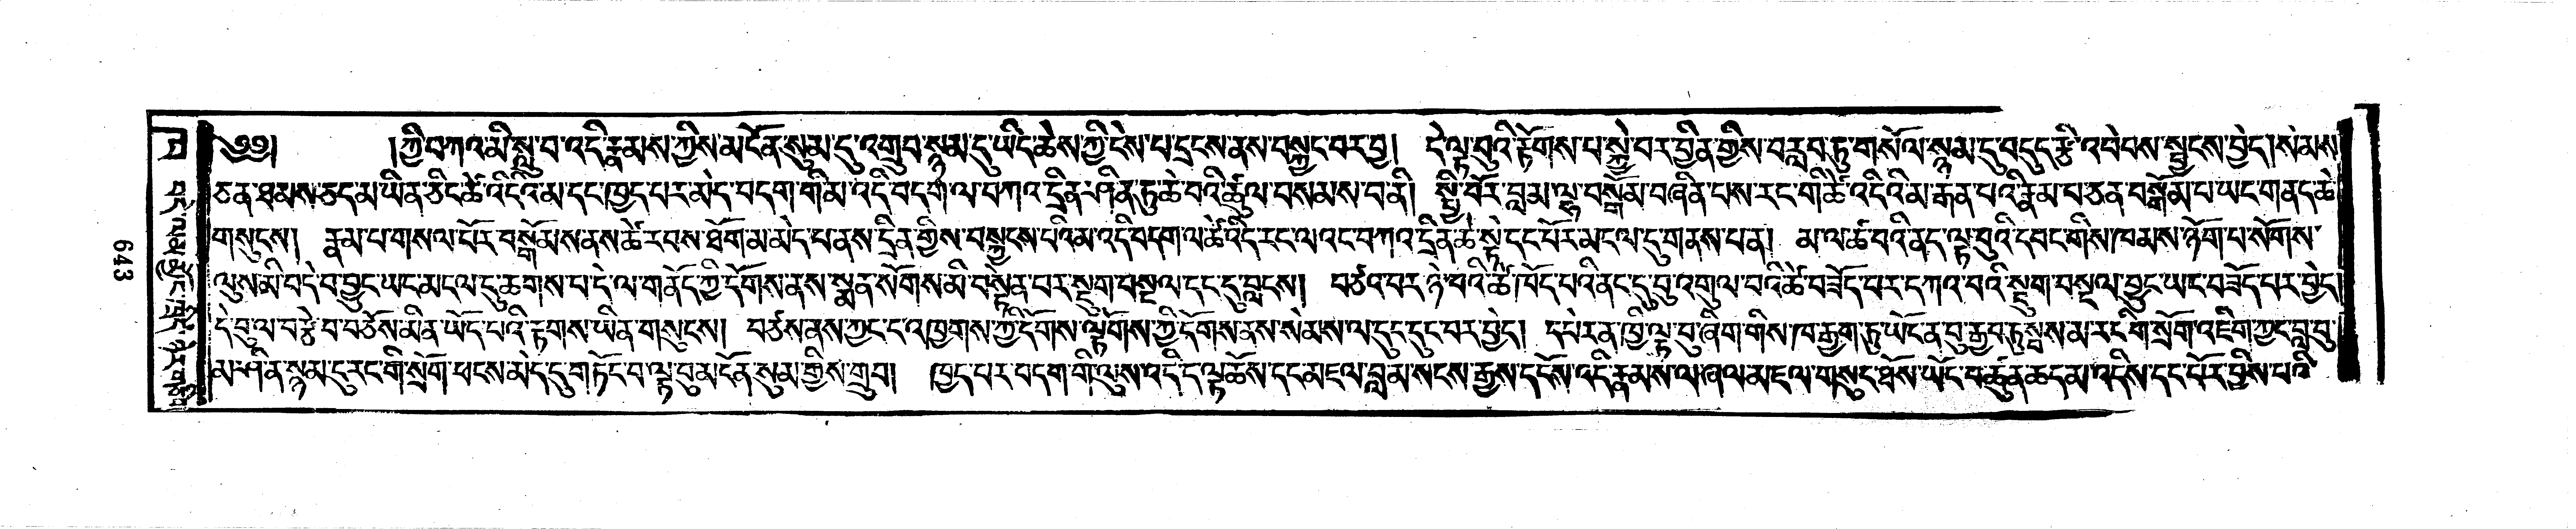༄༅། །ཀྱི་བཀའ་མི་སླུ་བ་འདི་རྣམས་ཀྱིས་མངོན་སུམ་དུ་འགྲུབ་སྙམ་དུ་ཡིད་ཆེས་ཀྱི་ངེས་པ་དྲངས་ནས་བསྐྱང་བར་བྱ། དེ་ལྟ་བུའི་རྟོགས་པ་སྐྱེ་བར་བྱིན་གྱིས་བརླབ་ཏུ་གསོལ་སྙམ་དུ་བདུད་རྩི་འབེབས་སྦྱངས་བྱེད། སེམས་
ཅན་ཐམས་ཅད་མ་ཡིན་ཅིང་ཚེ་འདིའི་མ་དང་ཁྱད་པར་མེད་བདག་གི་མ་འདི་བདག་ལ་བཀའ་དྲིན་ཤིན་ཏུ་ཆེ་བའི་ཚུལ་བསམས་བ་ནི། སྤྱི་བོར་བླ་མ་ལྷ་བསྒོམ་བཞིན་པས་རང་གི་ཚེ་འདིའི་མ་རྒན་པའི་རྣམ་པ་ཅན་བསྒོམ་པ་ཡང་གནད་ཆེ་
གསུངས། རྣམ་པ་གསལ་པོར་བསྒོམས་ནས་ཚེ་རབས་ཐོག་མ་མེད་པ་ནས་དྲིན་གྱིས་བསྐྱངས་པའི་མ་འདི་བདག་ལ་ཚེ་འདི་རང་ལའང་བཀའ་དྲིན་ཆེ་སྟེ་དང་པོར་མངལ་དུ་གནས་པ་ན། མ་ལ་ཚ་བའི་ནད་ལྟ་བུའི་དབང་གིས་ཁམས་ཉོག་པ་སོགས་
ལུས་མི་བདེ་བ་བྱུང་ཡང་མངལ་དུ་ཆགས་པ་དེ་ལ་གནོད་ཀྱི་དོགས་ནས་སྨན་སོགས་མི་བསྟེན་པར་སྡུག་བསྔལ་དང་དུ་བླངས། བཙའ་བར་ཉེ་བའི་ཚེ་ཁོད་པའི་ནང་དུ་བུ་འགུལ་བའི་ཚེ་བཟོད་པར་དཀའ་བའི་སྡུག་བསྔལ་བྱུང་ཡང་བཟོད་པར་བྱེད་
དེ་བུ་ལ་བརྩེ་བ་བཅོས་མིན་ཡོད་པའི་རྟགས་ཡིན་གསུངས། བཙས་ནས་ཀྱང་ང་འཁྱགས་ཀྱི་དོགས་ལྟོགས་ཀྱི་དོགས་ནས་སེམས་ལ་དུང་དུང་བར་བྱེད། དཔེར་ན་ཁྱི་ལྟ་བུ་ཞིག་གིས་ཁ་རྒྱག་ཏུ་ཡོང་ན་བུ་རྒྱབ་ཏུ་སྦས་མ་རང་གི་སྲོག་འཇིག་ཀྱང་བླ་བུ་
མ་ཤིན་སྙམ་དུ་རང་གི་སྲོག་ཕངས་མེད་དུ་གཏོང་བ་ལྟ་བུ་མངོན་སུམ་གྱིས་གྲུབ། ཁྱད་པར་བདག་གི་ལུས་འདི་ད་ལྟ་ཆོས་དང་མཇལ་བླ་མ་སངས་རྒྱས་དངོས་འདི་རྣམས་ལ་ཞལ་མཇལ་གསུང་ཐོས་ཡོང་པ་ཚུན་ཆད་མ་འདིས་དང་པོར་བྱིས་པའི་